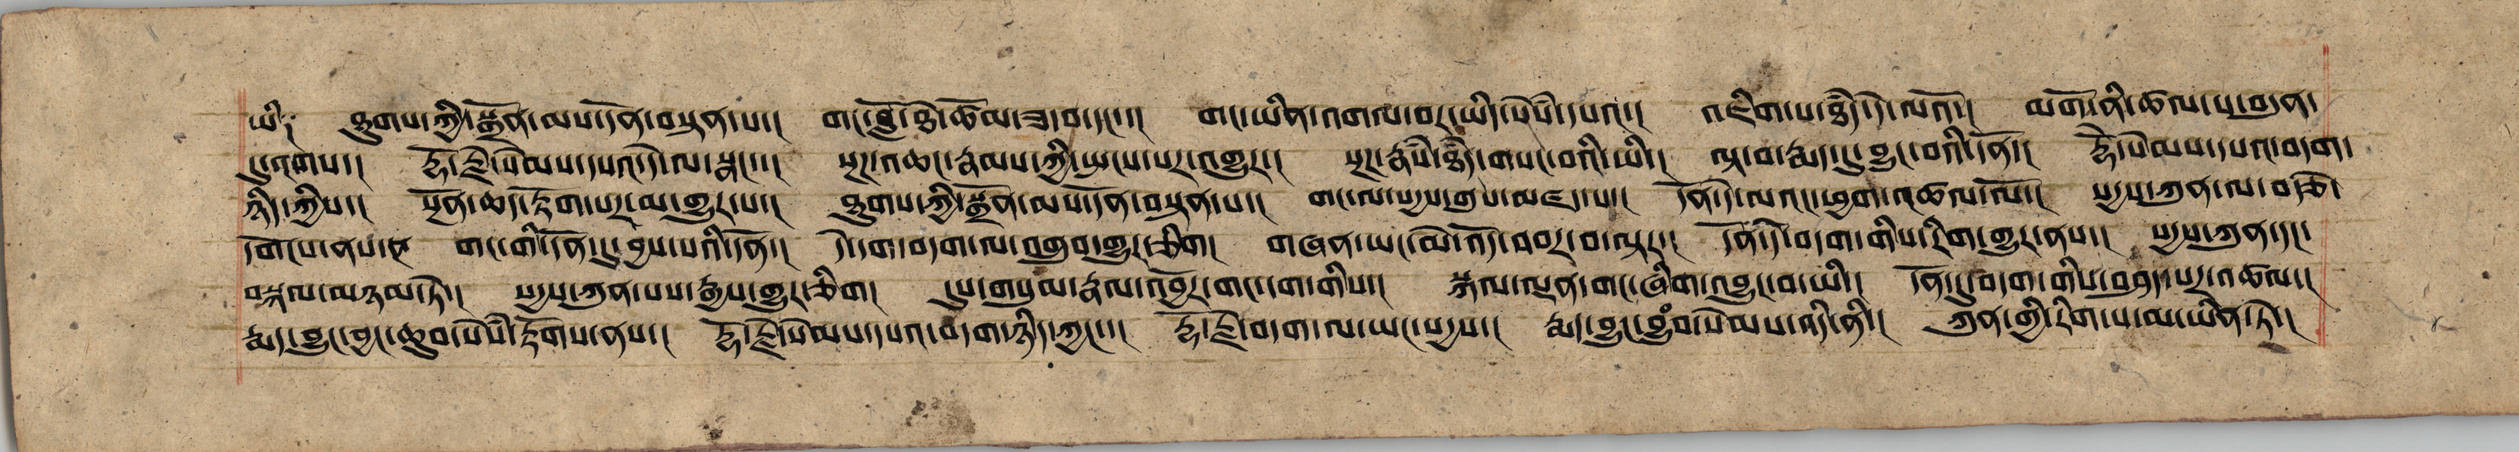ཡི༑ ཐུགས་ཀྱི་སྒྲོན་མས་དོན་བསྟན་པ་། གང་བློ་ཐེ་ཚོམ་ཟ་བ་དང་་། གང་ཡིན་འགལ་བར་ཡིད་སེསཾ་དཔའ་། འཇིག་པ་ཐཾད་དེ་ལའོ་། མགོ་ནི་ཚལ་པ་བདུན
དུ་འགས་། རྡོ་རྗེ་སེམས་དཔའ་དེ་ལ་སྣང་་། སྔཌ་འཆང་རྣམས་ཀྱི་སྤངས་པར་འགྱུར་། སྔཌ་རྣཾས་ཐཾད་གསང་བའི་མི་། ལྟ་བ་རྨད་དུ་བྱུང་བའི་དོན་། རྡོེ་སེམས་དཔའ་བདག་
ཉིད་ཀྱིས་། སྔོན་ཆད་རྟོག་པར་མ་གྱུར་པ་། ཐུགས་ཀྱི་སྒྲོན་མས་དོན་བསྟན་པ་། གང་ལ་སདྱས་གུས་མཛད་པ་། དོན་དེ་ལའང་ཕྱག་འཚལ་ལོ་། སདྱས་ཀུན་ལ་བརྩེ་
དགོངས་ནས་། གང་གི་དོན་དུ་བྱས་པའི་དོན་། དེ་དག་བདག་ལ་འགྲུབ་གྱུར་ཅིག། གཞན་ཡང་མེ་འོད་འབར་བ་ལྟར་། དོན་དེ་བདག་གིས་རིག་གྱུར་ནས་། སདྱས་ཀུན་དང་
བསྐལ་མཉམ་ཏེ་། སདྱས་ཀུན་པས་རྒྱས་གྱུར་ཅིག། དུས་གསུམ་རྣལ་འབྱོར་གང་དག་གིས་། སྐལ་ལྡན་གང་ཞིག་འབྱུང་བ་ཡི་། དོན་དུ་བདག་གིས་བཤད་པར་འཚལ་།
རྨད་བྱུང་བྱང་ཆུབ་སེཾས་རྟོགས་ནས་། རྡོ་རྗེ་སེམས་དཔའ་བདག་ཉིད་ཀྱང་་། རྡོ་རྗེ་བདག་ལ་ཡང་སདྱས་། རྨད་བྱུང་བྱུཾབ་སེམས་འདི་ནི་། ཀུན་གྱི་རིག་པ་མ་ཡིན་ཏེ་།